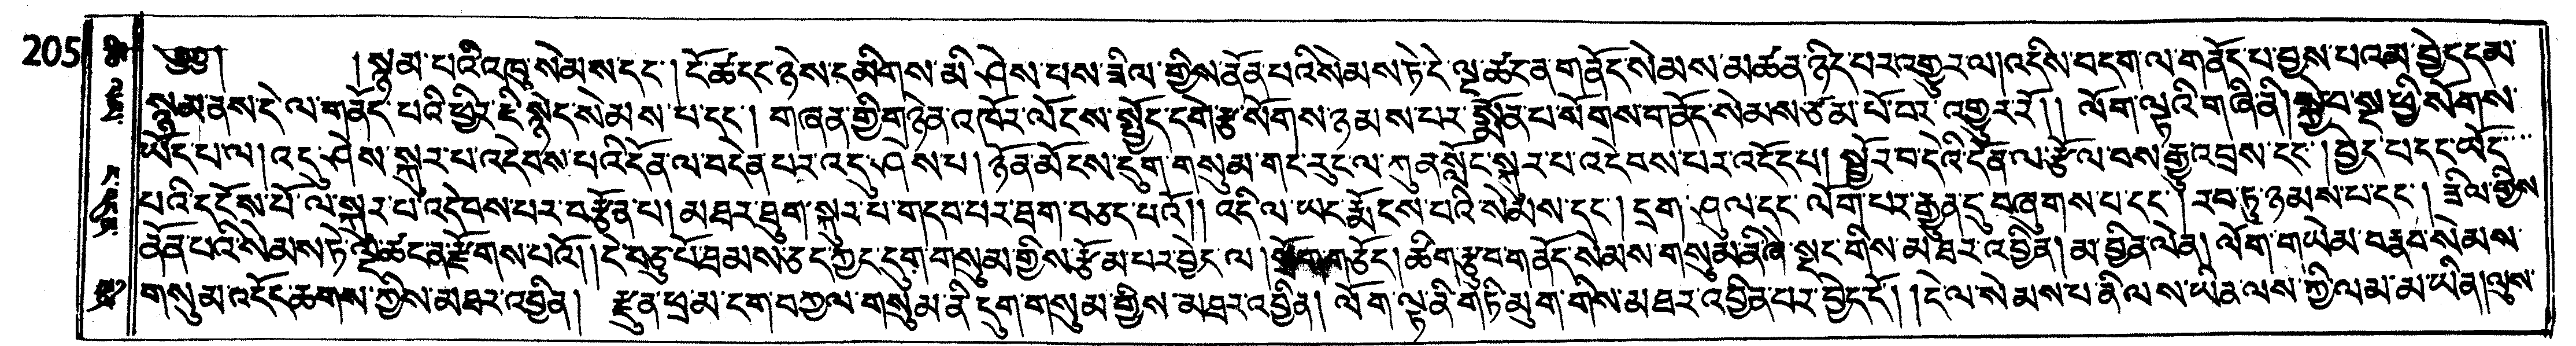༄༅། །སྙམ་པའི་འཁུ་སེམས་དང་། ངོ་ཚ་དང་ཉེས་དམིགས་མི་ཤེས་པས་ཟིལ་གྱིས་ནོན་པའི་སེམས་ཏེ་དེ་ལྔ་ཚང་ན་གནོད་སེམས་མཚན་ཉིད་པར་འགྱུར་ལ། འདིས་བདག་ལ་གནོད་པ་བྱས་པའམ་བྱེད་དམ་
སྙམ་ནས་དེ་ལ་གནོད་པའི་ཕྱིར་ཇི་སྙེད་སེམས་པ་དང་། གཞན་གྱི་གཉེན་འཁོར་ལོངས་སྤྱོད་དགེ་རྩ་སོགས་ཉམས་པར་སྨོན་པ་སོགས་གནོད་སེམས་ཙམ་པོ་བར་འགྱུར་རོ། །ལོག་ལྟའི་གཞི་ནི། སྐྱེ་བ་སྔ་ཕྱི་སོགས་
ཡོད་པ་ལ། འདུ་ཤེས་སྐུར་པ་འདེབས་པའི་དོན་ལ་བདེན་པར་འདུ་ཤེས་པ། ཉོན་མོངས་དུག་གསུམ་གང་རུང་ལ་ཀུན་སློང་སྐུར་པ་འདེབས་པར་འདོད་པ། སྦྱོར་བ་དེའི་དོན་ལ་རྩོལ་བས་རྒྱུ་འབྲས་དང་། བྱེད་པ་དང་ཡོད་
པའི་དངོས་པོ་ལ་སྐུར་པ་འདེབས་པར་བརྩོན་པ། མཐར་ཐུག་སྐུར་པ་གདབ་པར་ཐག་བཅད་པའོ། །འདི་ལ་ཡང་རྨོངས་པའི་སེམས་དང་། དྲག་ཤུལ་དང་ལོག་པར་རྒྱུན་དུ་བཞུགས་པ་དང་། རབ་ཏུ་ཉམས་པ་དང་། ཟིལ་གྱིས་
ནོན་པའི་སེམས་ཏེ་ལྔ་ཚང་ན་རྫོགས་པའོ། །དེ་བཅུ་པོ་ཐམས་ཅད་ཀྱང་དུག་གསུམ་གྱིས་རྩོམ་པར་བྱེད་ལ། སྲོག་གཅོད། ཚིག་རྩུབ་གནོད་སེམས་གསུམ་ནི་ཞེ་སྡང་གིས་མཐར་འབྱིན། མ་བྱིན་ལེན། ལོག་གཡེམ་བརྣབ་སེམས་
གསུམ་འདོད་ཆགས་ཀྱིས་མཐར་འབྱིན། རྫུན་ཕྲ་མ་ངག་བཀྱལ་གསུམ་ནི་དུག་གསུམ་གྱིས་མཐར་འབྱིན། ལོག་ལྟ་ནི་གཏི་མུག་གིས་མཐར་འབྱིན་པར་བྱེད་དོ། །དེ་ལ་སེམས་པ་ནི་ལས་ཡིན་ལས་ཀྱི་ལམ་མ་ཡིན། ལུས་